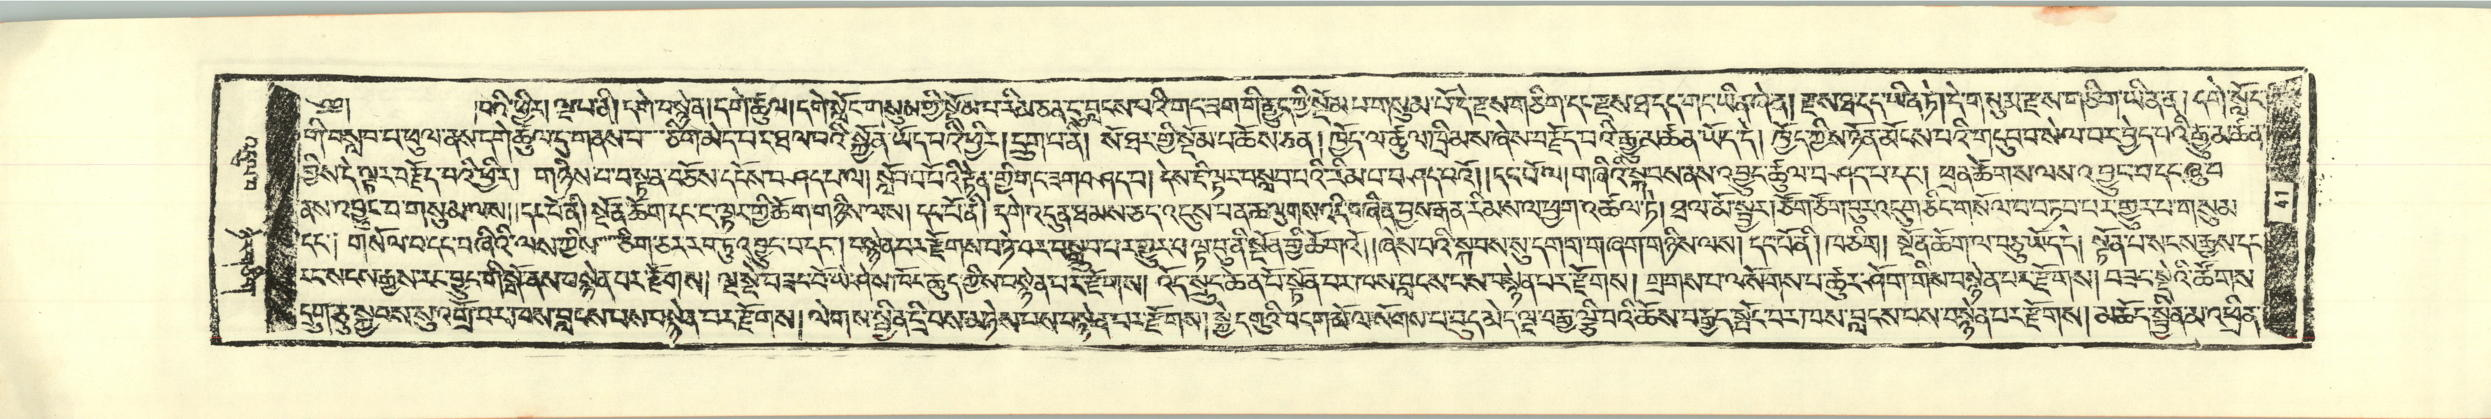༄༅། །བའི་ཕྱིར། ལྔ་པ་ནི། དགེ་བསྙེན། དགེ་ཚུལ། དགེ་ཚུལ་དགེ་སློང་གསུམ་གྱི་སྡོམ་པ་རིམ་ཅན་དུ་བླངས་པའི་གང་ཟག་གི་རྒྱུད་ཀྱི་སྡོམ་པ་གསུམ་པོ་དེ་རྫས་གཅིག་དང་རྫས་ཐ་དད་གང་ཡིན་ཞེ་ན། རྫས་ཐ་དད་ཡིན་ཏེ། དེ་གསུམ་རྫས་གཅིག་ཡིན་ན། དགེ་སློང་
གི་བསླབ་པ་ཕུལ་ནས་དགེ་ཚུལ་དུ་གནས་པ་ཅིག་མེད་པར་ཐལ་བའི་སྐྱོན་ཡོད་པའི་ཕྱིར། དྲུག་པ་ནི། སོ་ཐར་གྱི་སྡོམ་པ་ཆོས་ཅན། ཁྱོད་ལ་ཚུལ་ཁྲིམས་ཞེས་བརྗོད་པའི་རྒྱུ་མཚན་ཡོད་དེ། ཁྱོད་ཀྱིས་ཉོན་མོངས་པའི་གདུབ་བ་སེལ་བར་བྱེད་པའི་རྒྱུ་མཚན་
གྱིས་དེ་ལྟར་བརྗོད་པའི་ཕྱིར། གཉིས་པ་བསྟན་བཅོས་དངོས་བཤད་པ་ལ། སློབ་པ་པོའི་རྟེན་གྱི་གང་ཟག་བཤད་པ། དེས་ཇི་ལྟར་བསླབ་པའི་རིམ་པ་བཤད་པའོ། །དང་པོ་ལ། གཞིའི་སྐབས་ནས་འབྱུང་ཚུལ་བཤད་པ་དང་། ཕྲན་ཚེགས་ལས་འབྱུང་བ་དང་ཞུ་བ་
ནས་འབྱུང་བ་གསུམ་ལས། །དང་པོ་ནི། སྔོན་ཆོག་དང་ད་ལྟར་གྱི་ཆོག་གཉིས་ལས། དང་པོ་ནི། དགེ་འདུན་ཐམས་ཅད་འདུས་པ་ན་ཆ་ལུགས་འདི་བཞིན་བྱས་རྒན་རིམས་ལ་ཕྱག་འཚལ་ཏེ། ཐལ་མོ་སྦྱར། ཙོག་ཙོག་བུར་འདུག་ཅིང་གསོལ་བ་བཏབ་པར་གྱུར་པ་གསུམ་
དང༑ གསོལ་བ་དང་བཞིའི་ལས་ཀྱིས་ཅིག་ཅར་རབ་ཏུ་འབྱུང་བ་དང་། བསྙེན་པར་རྫོགས་པ་ཉེ་བར་བསྒྲུབ་པར་གྱུར་པ་ལྟ་བུ་ནི་སྔོན་གྱི་ཆོ་གའོ། །ཞེས་པའི་སྐབས་སུ་དགག་གཞག་གཉིས་ལས། དང་པོ་ནི། ཁ་ཅིག །སྔོན་ཆོག་ལ་བཅུ་ཡོད་དེ། སྟོན་པ་སངས་རྒྱས་དང་
རང་སངས་རྒྱས་རང་བྱུང་གི་སྒོ་ནས་བསྙེན་པར་རྫོགས། ལྔ་སྡེ་བཟང་པོ་ཡེ་ཤེས་ཁོང་ཆུད་ཀྱིས་བསྙེན་པར་རྫོགས། འོད་སྲུང་ཆེན་པོ་སྟོན་པར་ཁས་བླངས་པས་བསྙེན་པར་རྫོགས། གྲགས་པ་ལ་སོགས་པ་ཚུར་ཤོག་གིས་བསྙེན་པར་རྫོགས། བཟང་སྡེའི་ཚོགས་
དྲུག་ཅུ་སྐྱབས་སུ་འགྲོ་བར་ཁས་བླངས་པས་བསྙེན་པར་རྫོགས། ལེགས་སྦྱིན་དྲི་བས་མ་ཉེས་པས་བསྙེན་པར་རྫོགས། སྐྱེ་དགུའི་བདག་མོ་ལ་སོགས་པ་བུད་མེད་ལྔ་བརྒྱ་ལྕི་བའི་ཆོས་བརྒྱད་སྤོང་བར་ཁས་བླངས་པས་བསྙེན་པར་རྫོགས། མཆོད་སྦྱིན་མ་འཕྲིན་